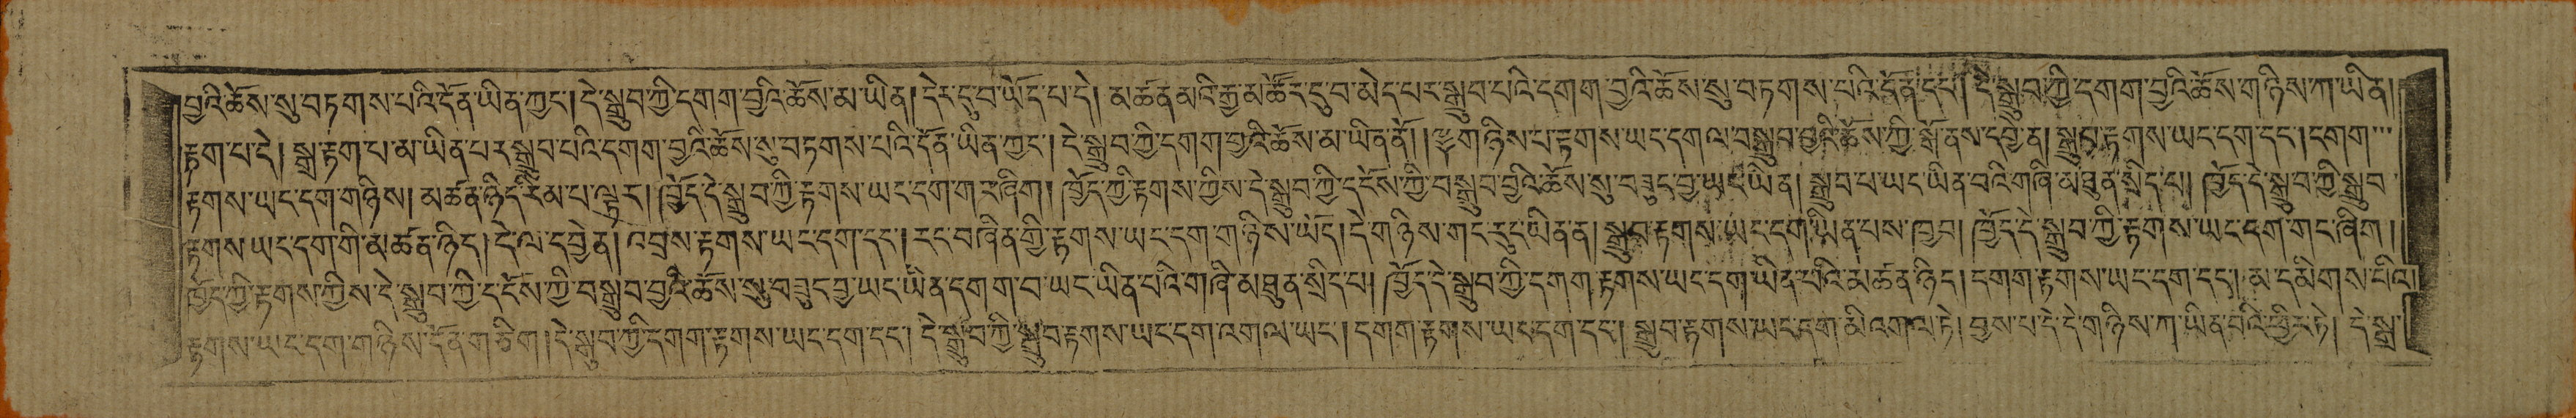བྱའི་ཆོས་སུ་བཏགས་པའི་དོན་ཡིན་ཀྱང་། དེ་སྒྲུབ་ཀྱི་དགག་བྱའི་ཆོས་མ་ཡིན། དེར་དུ་བ་ཡོད་པ་དེ། མཚན་མའི་རྒྱ་མཚོར་དུ་བ་མེད་པར་སྒྲུབ་པའི་དགག་བྱའི་ཆོས་སུ་བཏགས་པའི་དོན་དང་། དེ་སྒྲུབ་ཀྱི་དགག་བྱའི་ཆོས་གཉིས་ཀ་ཡིན། །
རྟག་པ་དེ། སྒྲ་རྟག་པ་མ་ཡིན་པར་སྒྲུབ་པའི་དགག་བྱའི་ཆོས་སུ་བཏགས་པའི་དོན་ཡིན་ཀྱང་། དེ་སྒྲུབ་ཀྱི་དགག་བྱའི་ཆོས་མ་ཡིན་ནོ། ། ༈ གཉིས་པ་རྟགས་ཡང་དག་ལ་བསྒྲུབ་བྱའི་ཆོས་ཀྱི་སྒོ་ནས་དབྱེ་ན། སྒྲུབ་རྟགས་ཡང་དག་དང་། དགག་
རྟགས་ཡང་དག་གཉིས། མཚན་ཉིད་རིམ་པ་ལྟར། ཁྱོད་དེ་སྒྲུབ་ཀྱི་རྟགས་ཡང་དག་གང་ཞིག །ཁྱོད་ཀྱི་རྟགས་ཀྱིས་དེ་སྒྲུབ་ཀྱི་དངོས་ཀྱི་བསྒྲུབ་བྱའི་ཆོས་སུ་བཟུང་བྱ་ཡང་ཡིན། སྒྲུབ་པ་ཡང་ཡིན་པའི་གཞི་མཐུན་སྲིད་པ། ཁྱོད་དེ་སྒྲུབ་ཀྱི་སྒྲུབ་
རྟགས་ཡང་དག་གི་མཚན་ཉིད། དེ་ལ་དབྱེ་ན། འབྲས་རྟགས་ཡང་དག་དང་། རང་བཞིན་གྱི་རྟགས་ཡང་དག་གཉིས་ཡོད། དེ་གཉིས་གང་རུང་ཡིན་ན། སྒྲུབ་རྟགས་ཡང་དག་ཡིན་པས་ཁྱབ། ཁྱོད་དེ་སྒྲུབ་ཀྱི་རྟགས་ཡང་དག་གང་ཞིག །
ཁྱོད་ཀྱི་རྟགས་ཀྱིས་དེ་སྒྲུབ་ཀྱི་དངོས་ཀྱི་བསྒྲུབ་བྱའི་ཆོས་སུ་བཟུང་བྱ་ཡང་ཡིན་དགག་པ་ཡང་ཡིན་པའི་གཞི་མཐུན་སྲིད་པ། ཁྱོད་དེ་སྒྲུབ་ཀྱི་དགག་རྟགས་ཡང་དག་ཡིན་པའི་མཚན་ཉིད། དགག་རྟགས་ཡང་དག་དང་། མ་དམིགས་པའི་
རྟགས་ཡང་དག་གཉིས་དོན་གཅིག །དེ་སྒྲུབ་ཀྱི་དགག་རྟགས་ཡང་དག་དང་། དེ་སྒྲུབ་ཀྱི་སྒྲུབ་རྟགས་ཡང་དག་འགལ་ཡང་། དགག་རྟགས་ཡང་དག་དང་། སྒྲུབ་རྟགས་ཡང་དག་མི་འགལ་ཏེ། བྱས་པ་དེ་དེ་གཉིས་ཀ་ཡིན་པའི་ཕྱིར་ཏེ། དེ་སྒྲ་